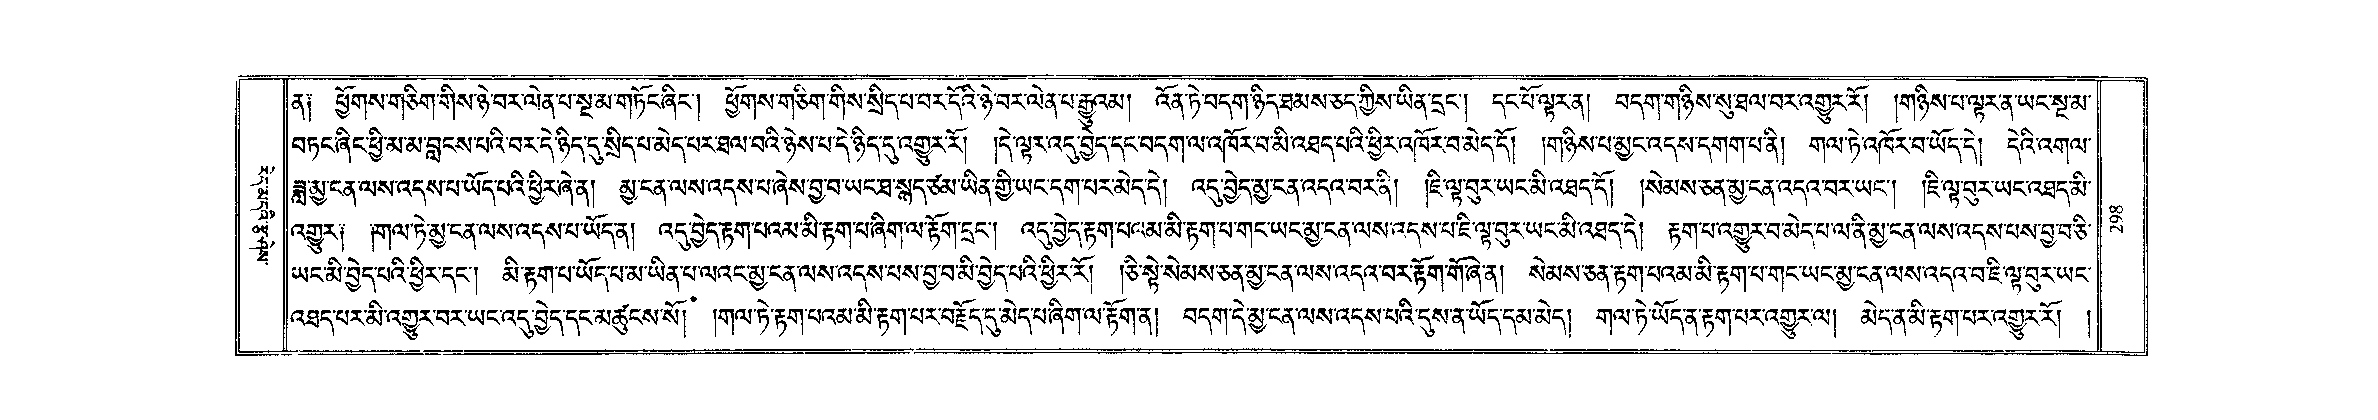ན༑ ཕྱོགས་གཅིག་གིས་ཉེ་བར་ལེན་པ་སྔ་མ་གཏོང་ཞིང་། ཕྱོགས་གཅིག་གིས་སྲིད་པ་བར་དོའི་ཉེ་བར་ལེན་པ་རྒྱུའམ། འོན་ཏེ་བདག་ཉིད་ཐམས་ཅད་ཀྱིས་ཡིན་དྲང་། དང་པོ་ལྟར་ན། བདག་གཉིས་སུ་ཐལ་བར་འགྱུར་རོ། །གཉིས་པ་ལྟར་ན་ཡང་སྔ་མ་
བཏང་ཞིང་ཕྱི་མ་མ་བླངས་པའི་བར་དེ་ཉིད་དུ་སྲིད་པ་མེད་པར་ཐལ་བའི་ཉེས་པ་དེ་ཉིད་དུ་འགྱུར་རོ། །དེ་ལྟར་འདུ་བྱེད་དང་བདག་ལ་འཁོར་བ་མི་འཐད་པའི་ཕྱིར་འཁོར་བ་མེད་དོ། །གཉིས་པ་མྱང་འདས་དགག་པ་ནི། གལ་ཏེ་འཁོར་བ་ཡོད་དེ། དེའི་འགལ་
ཟླ་མྱ་ངན་ལས་འདས་པ་ཡོད་པའི་ཕྱིར་ཞེ་ན། མྱ་ངན་ལས་འདས་པ་ཞེས་བྱ་བ་ཡང་ཐ་སྙད་ཙམ་ཡིན་གྱི་ཡང་དག་པར་མེད་དེ། འདུ་བྱེད་མྱ་ངན་འདའ་བར་ནི། །ཇི་ལྟ་བུར་ཡང་མི་འཐད་དོ། །སེམས་ཅན་མྱ་ངན་འདའ་བར་ཡང་། །ཇི་ལྟ་བུར་ཡང་འཐད་མི་
འགྱུར༑ ༑གལ་ཏེ་མྱ་ངན་ལས་འདས་པ་ཡོད་ན། འདུ་བྱེད་རྟག་པའམ་མི་རྟག་པ་ཞིག་ལ་རྟོག་དྲང་། འདུ་བྱེད་རྟག་པའམ་མི་རྟག་པ་གང་ཡང་མྱ་ངན་ལས་འདས་པ་ཇི་ལྟ་བུར་ཡང་མི་འཐད་དེ། རྟག་པ་འགྱུར་བ་མེད་པ་ལ་ནི་མྱ་ངན་ལས་འདས་པས་བྱ་བ་ཅི་
ཡང་མི་བྱེད་པའི་ཕྱིར་དང་། མི་རྟག་པ་ཡོད་པ་མ་ཡིན་པ་ལའང་མྱ་ངན་ལས་འདས་པས་བྱ་བ་མི་བྱེད་པའི་ཕྱིར་རོ། །ཅི་སྟེ་སེམས་ཅན་མྱ་ངན་ལས་འདའ་བར་རྟོག་གོ་ཞེ་ན། སེམས་ཅན་རྟག་པའམ་མི་རྟག་པ་གང་ཡང་མྱ་ངན་ལས་འདའ་བ་ཇི་ལྟ་བུར་ཡང་
འཐད་པར་མི་འགྱུར་བར་ཡང་འདུ་བྱེད་དང་མཚུངས་སོ། །གལ་ཏེ་རྟག་པའམ་མི་རྟག་པར་བརྗོད་དུ་མེད་པ་ཞིག་ལ་རྟོག་ན། བདག་དེ་མྱ་ངན་ལས་འདས་པའི་དུས་ན་ཡོད་དམ་མེད། གལ་ཏེ་ཡོད་ན་རྟག་པར་འགྱུར་ལ། མེད་ན་མི་རྟག་པར་འགྱུར་རོ། །